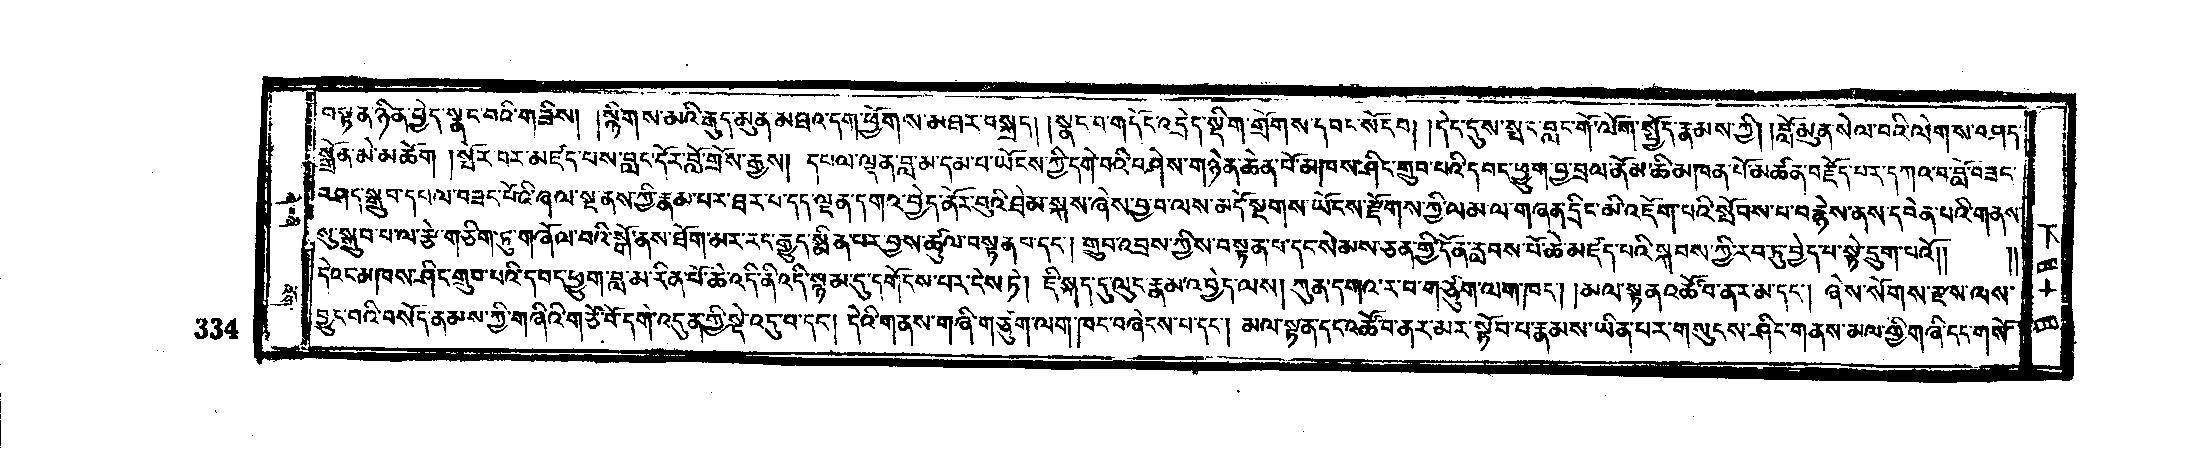བསྟན་ཉིན་བྱེད་སྣང་བའི་གཟིས། །སྙིགས་མའི་རྒུད་མུན་མཐའ་དག་ཕྱོགས་མཐར་བསྐྲད། །སྣང་བ་གདོང་འདྲེད་སྡིག་གྲོགས་དབང་སོང་བ། །དེང་དུས་སྤང་བླང་གོ་ལོག་སྤྱོད་རྣམས་ཀྱི། །བློ་མུན་སེལ་བའི་ལེགས་བཤད་
སྒྲོན་མེ་མཆོག །སྤོར་བར་མཛད་པས་བླང་དོར་བློ་གྲོས་རྒྱས། དཔལ་ལྡན་བླ་མ་དམ་པ་ཡོངས་ཀྱི་དགེ་བའི་བཤེས་གཉེན་ཆེན་པོ་མཁས་ཤིང་གྲུབ་པའི་དབང་ཕྱུག་བྱ་བྲལ་ནོམ་ཆི་མཁན་པོ་མཚན་བརྗོད་པར་དཀའ་བ་བློ་བཟང་
བཤད་སྒྲུབ་དཔལ་བཟང་པོའི་ཞལ་སྔ་ནས་ཀྱི་རྣམ་པར་ཐར་པ་དད་ལྡན་དགའ་བྱེད་ནོར་བུའི་ཐེམ་སྐས་ཞེས་བྱ་བ་ལས་མདོ་སྔགས་ཡོངས་རྫོགས་ཀྱི་ལམ་ལ་གཞན་དྲིང་མི་འཇོག་པའི་སྤོབས་པ་བརྙེས་ནས་དབེན་པའི་གནས་
སུ་སྒྲུབ་པ་ལ་རྩེ་གཅིག་ཏུ་གཞོལ་བའི་སྒོ་ནས་ཐོག་མར་རང་རྒྱུད་སྨིན་པར་བྱས་ཚུལ་བསྟན་པ་དང་། གྲུབ་འབྲས་ཀྱིས་བསྟན་པ་དང་སེམས་ཅན་གྱི་དོན་རླབས་པོ་ཆེ་མཛད་པའི་སྐབས་ཀྱི་རབ་ཏུ་བྱེད་པ་སྟེ་དྲུག་པའོ།། །།
དེའང་མཁས་ཤིང་གྲུབ་པའི་དབང་ཕྱུག་བླ་མ་རིན་པོ་ཆེ་འདི་ནི་འདི་སྙམ་དུ་དགོངས་པར་ངེས་ཏེ། ཇི་སྐད་དུ་ལུང་རྣམ་འབྱེད་ལས། ཀུན་དགའ་ར་བ་གཙུག་ལག་ཁང་། །མལ་སྟན་འཚོ་བ་ནར་མ་དང་། ཞེས་སོགས་རྫས་ལས་
བྱུང་བའི་བསོད་ནམས་ཀྱི་གཞིའི་གཙོ་བོ་དགེ་འདུན་གྱི་སྡེ་འདུ་བ་དང་། དེའི་གནས་གཞི་གཙུག་ལག་ཁང་བཞེངས་པ་དང་། མལ་སྟན་དང་འཚོ་བ་ནར་མར་སྟོབ་པ་རྣམས་ཡིན་པར་གསུངས་ཤིང་གནས་མལ་གྱི་གཞི་དང་གསོ་